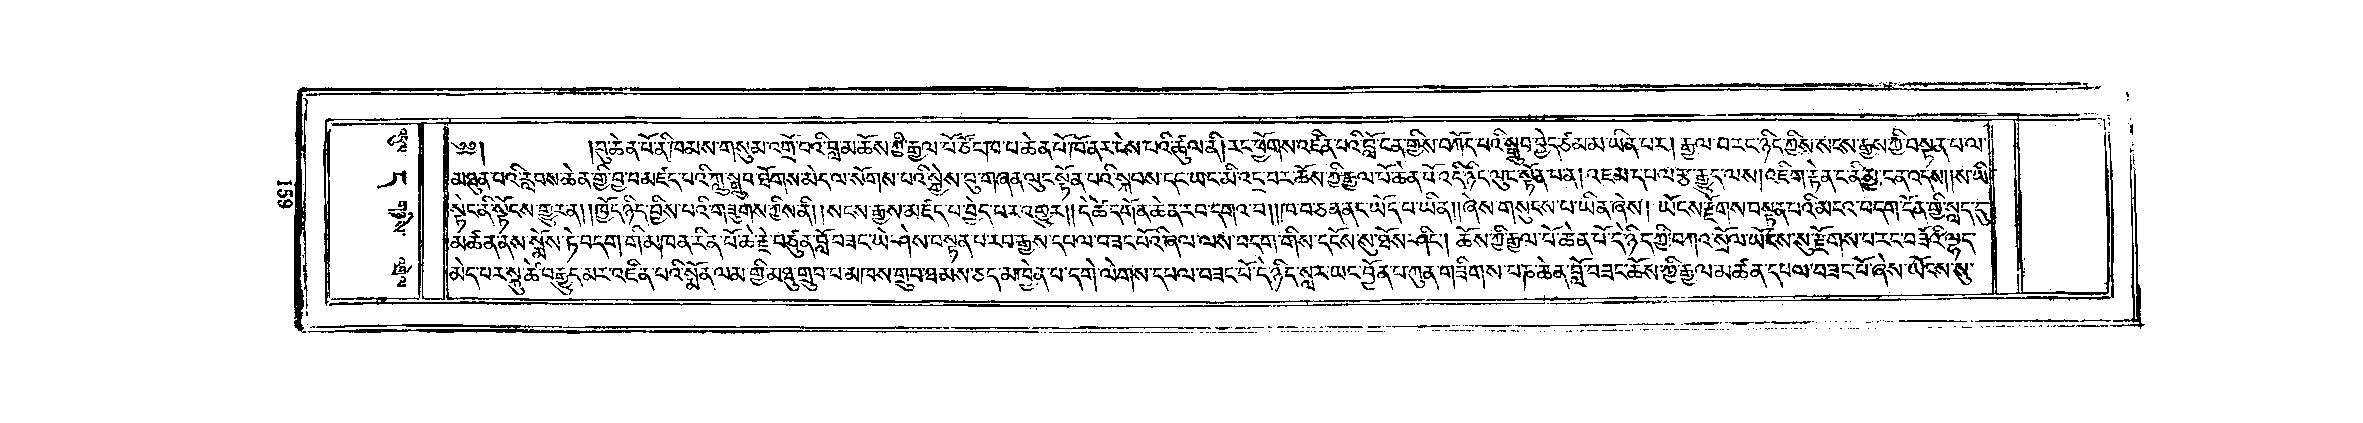༄༅། །བུ་ཆེན་པོ་ནི་ཁམས་གསུམ་འགྲོ་བའི་བླ་མ་ཆོས་ཀྱི་རྒྱལ་པོ་ཙོང་ཁ་པ་ཆེན་པོ་ཁོ་ནར་ངེས་པའི་ཚུལ་ནི། རང་ཕྱོགས་འཛིན་པའི་བློ་ངན་གྱིས་བཀོད་པའི་སྒྲུབ་བྱེད་ཙམ་མ་ཡིན་པར། རྒྱལ་བ་རང་ཉིད་ཀྱིས་སངས་རྒྱས་ཀྱི་བསྟན་པ་ལ་
མཐུན་པའི་རླབས་ཆེན་གྱི་བྱ་བ་མཛད་པའི་ཀླུ་སྒྲུབ་ཐོགས་མེད་ལ་སོགས་པའི་སྐྱེས་བུ་གཞན་ལུང་སྟོན་པའི་སྐབས་དང་ཡང་མི་འདྲ་བར་ཆོས་ཀྱི་རྒྱལ་པོ་ཆེན་པོ་འདི་ཉིད་ལུང་སྟོན་པ་ན། འཇམ་དཔལ་རྩ་རྒྱུད་ལས། འཇིག་རྟེན་ང་ནི་མྱ་ངན་འདས། །ས་ཡི་
སྟེང་ནི་སྟོངས་གྱུར་ན། །ཁྱོད་ཉིད་བྱིས་པའི་གཟུགས་ཀྱིས་ནི། །སངས་རྒྱས་མཛད་པ་བྱེད་པར་འགྱུར། །དེ་ཚེ་དགོན་ཆེན་རབ་དགའ་བ། །ཁ་བ་ཅན་ནང་ཡོད་པ་ཡིན། །ཞེས་གསུངས་པ་ཡིན་ཞེས། ཡོངས་རྫོགས་བསྟན་པའི་མངའ་བདག་དོན་གྱི་སླད་དུ་
མཚན་ནས་སྨོས་ཏེ་བདག་གི་མཁན་རིན་པོ་ཆེ་རྗེ་བཙུན་བློ་བཟང་ཡེ་ཤེས་བསྟན་པ་རབ་རྒྱས་དཔལ་བཟང་པོའི་ཞལ་ལས་བདག་གིས་དངོས་སུ་ཐོས་ཤིང་། ཆོས་ཀྱི་རྒྱལ་པོ་ཆེན་པོ་དེ་ཉིད་ཀྱི་བཀའ་སྲོལ་ཡོངས་སུ་རྫོགས་པ་རང་བཟོའི་ལྷད་
མེད་པར་སྐུ་ཚེ་བརྒྱུད་མར་འཛིན་པའི་སྨོན་ལམ་གྱི་མཐུ་གྲུབ་པ་མཁས་གྲུབ་ཐམས་ཅད་མཁྱེན་པ་དགེ་ལེགས་དཔལ་བཟང་པོ་དེ་ཉིད་སླར་ཡང་བྱོན་པ་ཀུན་གཟིགས་པཎ་ཆེན་བློ་བཟང་ཆོས་ཀྱི་རྒྱལ་མཚན་དཔལ་བཟང་པོ་ཞེས་ཡོངས་སུ་